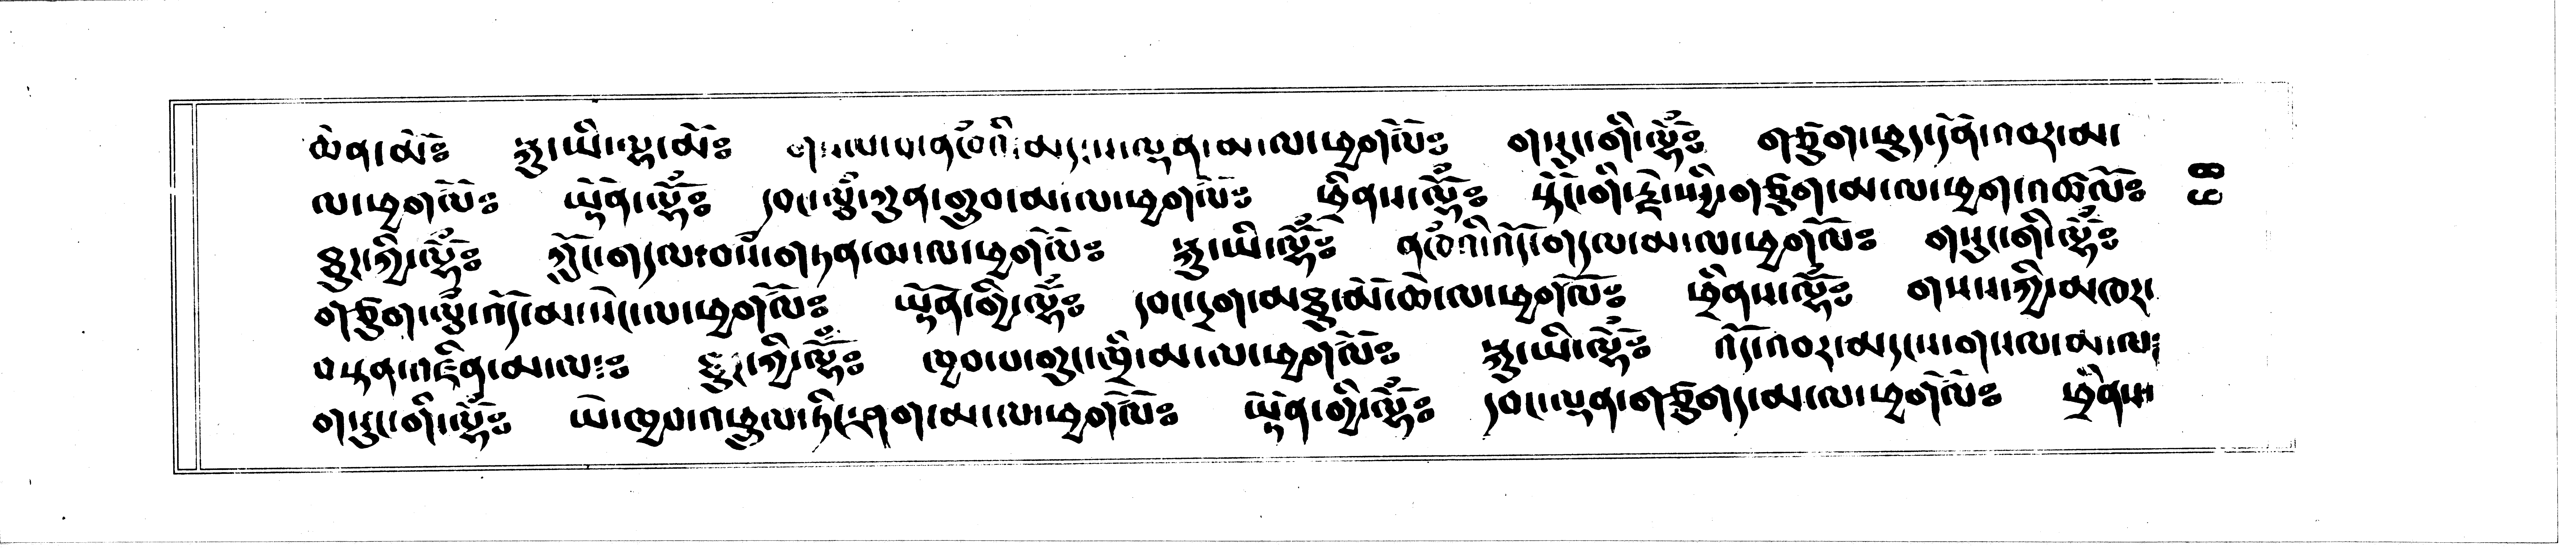ཆེན་མོཿ སྐུ་ཡི་ལྷ་མོཿ གསལ་བ་ནམ་མཁའི་མདངས་ལྡན་མ་ལ་ཕྱག་འཚལ་ལོཿ གསུང་གི་ལྷ་མོཿ གཙུག་ཕུད་དོན་འབར་མ་
ལ་ཕྱག་འཚལ་ལོཿ ཡོན་ཏན་གྱི་ལྷ་མོཿ དབང་ལྕམ་ཀུན་གྲུབ་མ་ལ་ཕྱག་འཚལ་ལོཿ ཕྲིན་ལས་ཀྱི་ལྷ་མོཿ སྟོང་གི་རྗེ་སྤྱི་གཙུག་མ་ལ་ཕྱག་འཚལ་ལོཿ
ཐུགས་ཀྱི་ལྷ་མོཿ ཀློང་བདལ་བསམ་གཏན་མ་ལ་ཕྱག་འཚལ་ལོཿ སྐུ་ཡི་ལྷ་མོཿ ནམ་མཁའི་འོད་བདལ་མ་ལ་ཕྱག་འཚལ་ལོཿ གསུང་གི་ལྷ་མོཿ 
གཙུག་ལྕམ་འོད་མ་སེང་ལ་ཕྱག་འཚལ་ལོཿ ཡོན་ཏན་གྱི་ལྷ་མོཿ དབང་དྲག་མཐུ་མོ་ཆེ་ལ་ཕྱག་འཚལ་ལོཿ ཕྲིན་ལས་ཀྱི་ལྷ་མོཿ གསས་ཀྱི་མཁར་
བསྟན་འཛིན་མ་ལ་ཕྱག་འཚལ་ལོཿ ཐུགས་ཀྱི་ལྷ་མོཿ ཁྱབ་པ་གུང་ཁྲི་མ་ལ་ཕྱག་འཚལ་ལོཿ སྐུ་ཡི་ལྷ་མོཿ འོད་འབར་མདངས་གསལ་མ་ལ་ཕྱག་འཚལ་ལོཿ
གསུང་གི་ལྷ་མོཿ ཡེ་ཁྱབ་འཕྲུལ་ཏིང་ཤག་ལ་ཕྱག་འཚལ་ལོཿ ཡོན་ཏན་གྱི་ལྷ་མོཿ དབང་ལྡན་གཙུག་ཕུད་མ་ལ་ཕྱག་འཚལ་ལོཿ ཕྲིན་ལས་